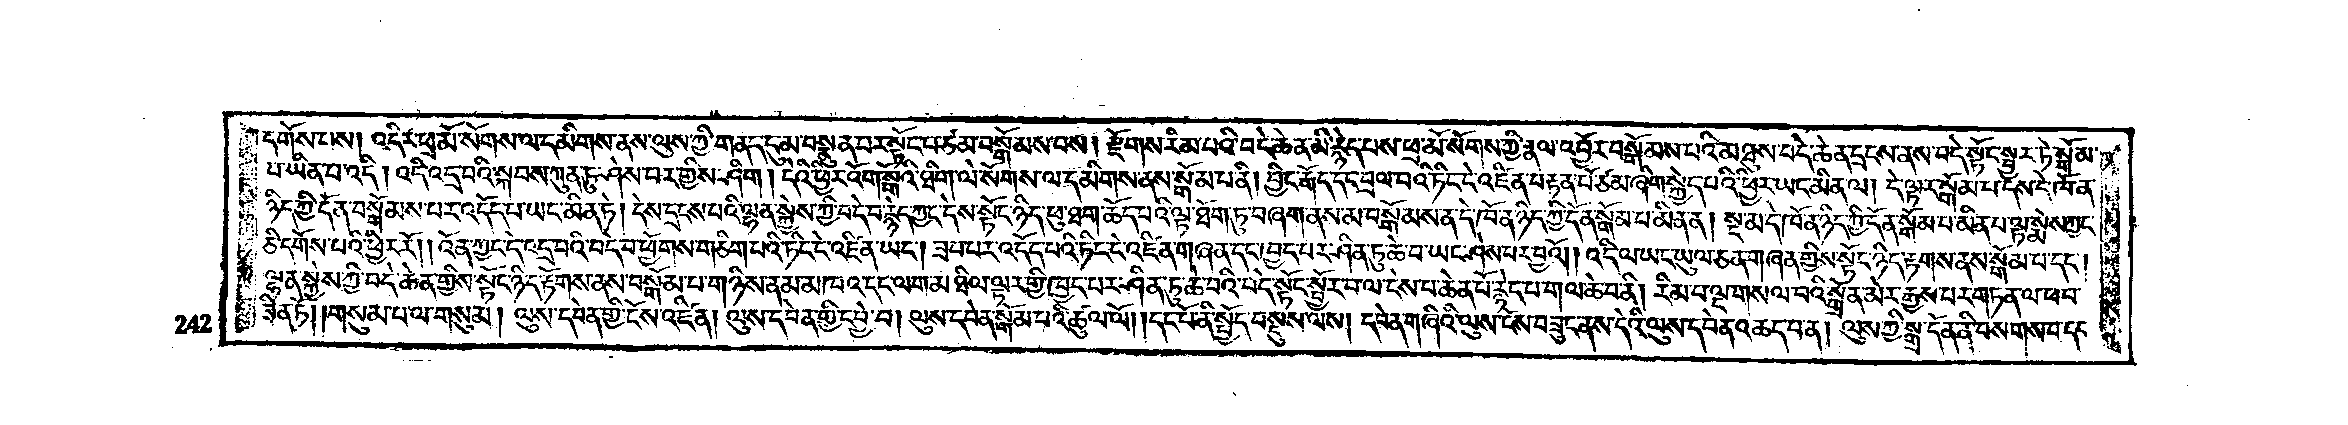དགོས་པས། འདིར་ཕྲ་མོ་སོགས་ལ་དམིགས་ནས་ལུས་ཀྱི་གནད་དུ་མ་བསྣུན་པར་སྟོང་པ་ཙམ་བསྒོམས་པས། རྫོགས་རིམ་པའི་བདེ་ཆེན་མི་རྙེད་པས་ཕྲ་མོ་སོགས་ཀྱི་རྣལ་འབྱོར་བསྒོམས་པའི་མཐུས་བདེ་ཆེན་དྲངས་ནས་བདེ་སྟོང་སྦྱར་ཏེ་སྒོམ་
པ་ཡིན་པ་འདི། འདི་འདྲ་བའི་སྐབས་ཀུན་ཏུ་ཤེས་པར་གྱིས་ཤིག། དེའི་ཕྱིར་འོག་སྒོའི་ཐིག་ལེ་སོགས་ལ་དམིགས་ནས་སྒོམ་པ་ནི། བྱིང་རྒོད་དང་བྲལ་བའི་ཏིང་ངེ་འཛིན་བརྟན་པོ་ཙམ་ཞིག་སྐྱེད་པའི་ཕྱིར་ཡང་མིན་ལ། དེ་ལྟར་སྒོམ་པ་དེས་དེ་ཁོ་ན་
ཉིད་ཀྱི་དོན་བསྒོམས་པར་འདོད་པ་ཡང་མིན་ཏེ། དེས་དྲངས་པའི་ལྷན་སྐྱེས་ཀྱི་བདེ་བ་རྙེད་ཀྱང་དེས་སྟོང་ཉིད་ཕུ་ཐག་ཆོད་པའི་ལྟ་ཐོག་ཏུ་བཞག་ནས་མ་བསྒོམས་ན་དེ་ཁོ་ན་ཉིད་ཀྱི་དོན་སྒོམ་པ་མིན་ན། སྔ་མ་དེ་ཁོ་ན་ཉིད་ཀྱི་དོན་སྒོམ་པ་མིན་པ་ལྟ་སྨོས་ཀྱང་
ཅི་དགོས་པའི་ཕྱིར་རོ། །འོན་ཀྱང་དེ་འདྲ་བའི་བདེ་བ་ཕྱོགས་གཅིག་པའི་ཏིང་ངེ་འཛིན་ཡང་། ཟབ་པར་འདོད་པའི་ཏིང་ངེ་འཛིན་གཞན་དང་། བྱད་པར་ཤིན་ཏུ་ཆེ་བ་ཡང་ཤེས་པར་བྱའོ། །འདི་ལ་ཡང་ཡུལ་ཅན་གཞན་གྱིས་སྟོང་ཉིད་རྟོགས་ནས་སྒོམ་པ་དང་།
ལྷན་སྐྱེས་ཀྱི་བདེ་ཆེན་གྱིས་སྟོང་ཉིད་རྟོགས་ནས་བསྒོམ་པ་གཉིས་ནམ་མཁའ་དང་ལག་མཐིལ་ལྟར་གྱི་ཁྱད་པར་ཤིན་ཏུ་ཆེ་བའི་བདེ་སྟོང་སྦྱོར་བ་ལ་ངེས་པ་ཆེན་པོ་རྙེད་པ་གལ་ཆེ་བ་ནི། རིམ་པ་ལྔ་གསལ་བའི་སྒྲོན་མེར་རྒྱས་པར་གཏན་ལ་ཕབ་
ཟིན་ཏོ། །གསུམ་པ་ལ་གསུམ། ལུས་དབེན་གྱི་ངོས་འཛིན། ལུས་དབེན་གྱི་དབྱེ་བ། ལུས་དབེན་སྒོམ་པའི་ཚུལ་ལོ། །དང་པོ་ནི་སྤྱོད་བསྡུས་ལས། དབེན་གཞིའི་ལུས་ངོས་བཟུང་ནས་དེའི་ལུས་དབེན་འཆད་པ་ན། ལུས་ཀྱི་སྒྲ་དོན་ནི་བསགས་པ་དང་།